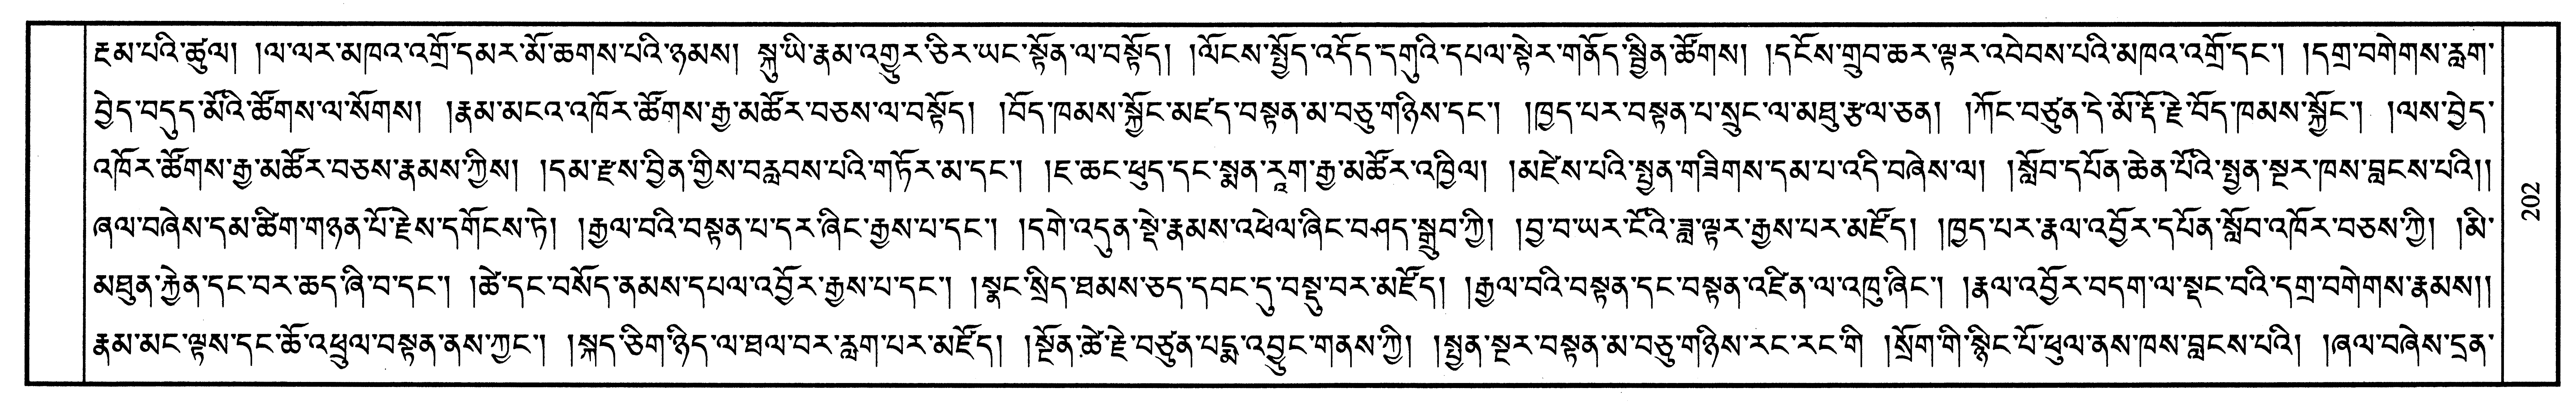རྔམ་པའི་ཚུལ། །ལ་ལར་མཁའ་འགྲོ་དམར་མོ་ཆགས་པའི་ཉམས། །སྐུ་ཡི་རྣམ་འགྱུར་ཅིར་ཡང་སྟོན་ལ་བསྟོད། །ལོངས་སྤྱོད་འདོད་དགུའི་དཔལ་སྟེར་གནོད་སྦྱིན་ཚོགས། །དངོས་གྲུབ་ཆར་ལྟར་འབེབས་པའི་མཁའ་འགྲོ་དང་། །དགྲ་བགེགས་རླག་
བྱེད་བདུད་མོའི་ཚོགས་ལ་སོགས། །རྣམ་མངའ་འཁོར་ཚོགས་རྒྱ་མཚོར་བཅས་ལ་བསྟོད། །བོད་ཁམས་སྐྱོང་མཛད་བསྟན་མ་བཅུ་གཉིས་དང་། །ཁྱད་པར་བསྟན་པ་སྲུང་ལ་མཐུ་རྩལ་ཅན། །ཀོང་བཙུན་དེ་མོ་རྡོ་རྗེ་བོད་ཁམས་སྐྱོང་། །ལས་བྱེད་
འཁོར་ཚོགས་རྒྱ་མཚོར་བཅས་རྣམས་ཀྱིས། །དམ་རྫས་བྱིན་གྱིས་བརླབས་པའི་གཏོར་མ་དང་། །ཇ་ཆང་ཕུད་དང་སྨན་རཱག་རྒྱ་མཚོར་འཁྱིལ། །མཛེས་པའི་སྤྱན་གཟིགས་དམ་པ་འདི་བཞེས་ལ། །སློབ་དཔོན་ཆེན་པོའི་སྤྱན་སྔར་ཁས་བླངས་པའི།།
ཞལ་བཞེས་དམ་ཚིག་གཉན་པོ་རྗེས་དགོངས་ཏེ། །རྒྱལ་བའི་བསྟན་པ་དར་ཞིང་རྒྱས་པ་དང་། །དགེ་འདུན་སྡེ་རྣམས་འཕེལ་ཞིང་བཤད་སྒྲུབ་ཀྱི། །བྱ་བ་ཡར་ངོའི་ཟླ་ལྟར་རྒྱས་པར་མཛོད། །ཁྱད་པར་རྣལ་འབྱོར་དཔོན་སློབ་འཁོར་བཅས་ཀྱི། །མི་
མཐུན་རྐྱེན་དང་བར་ཆད་ཞི་བ་དང་། །ཚེ་དང་བསོད་ནམས་དཔལ་འབྱོར་རྒྱས་པ་དང་། །སྣང་སྲིད་ཐམས་ཅད་དབང་དུ་བསྡུ་བར་མཛོད། །རྒྱལ་བའི་བསྟན་དང་བསྟན་འཛིན་ལ་འཁུ་ཞིང་། །རྣལ་འབྱོར་བདག་ལ་སྡང་བའི་དགྲ་བགེགས་རྣམས།།
རྣམ་མང་ལྟས་དང་ཆོ་འཕྲུལ་བསྟན་ནས་ཀྱང་། །སྐད་ཅིག་ཉིད་ལ་ཐལ་བར་རླག་པར་མཛོད། །སྔོན་ཚེ་རྗེ་བཙུན་པདམ་འབྱུང་གནས་ཀྱི། །སྤྱན་སྔར་བསྟན་མ་བཅུ་གཉིས་རང་རང་གི །སྲོག་གི་སྙིང་པོ་ཕུལ་ནས་ཁས་བླངས་པའི། །ཞལ་བཞེས་དྲན་